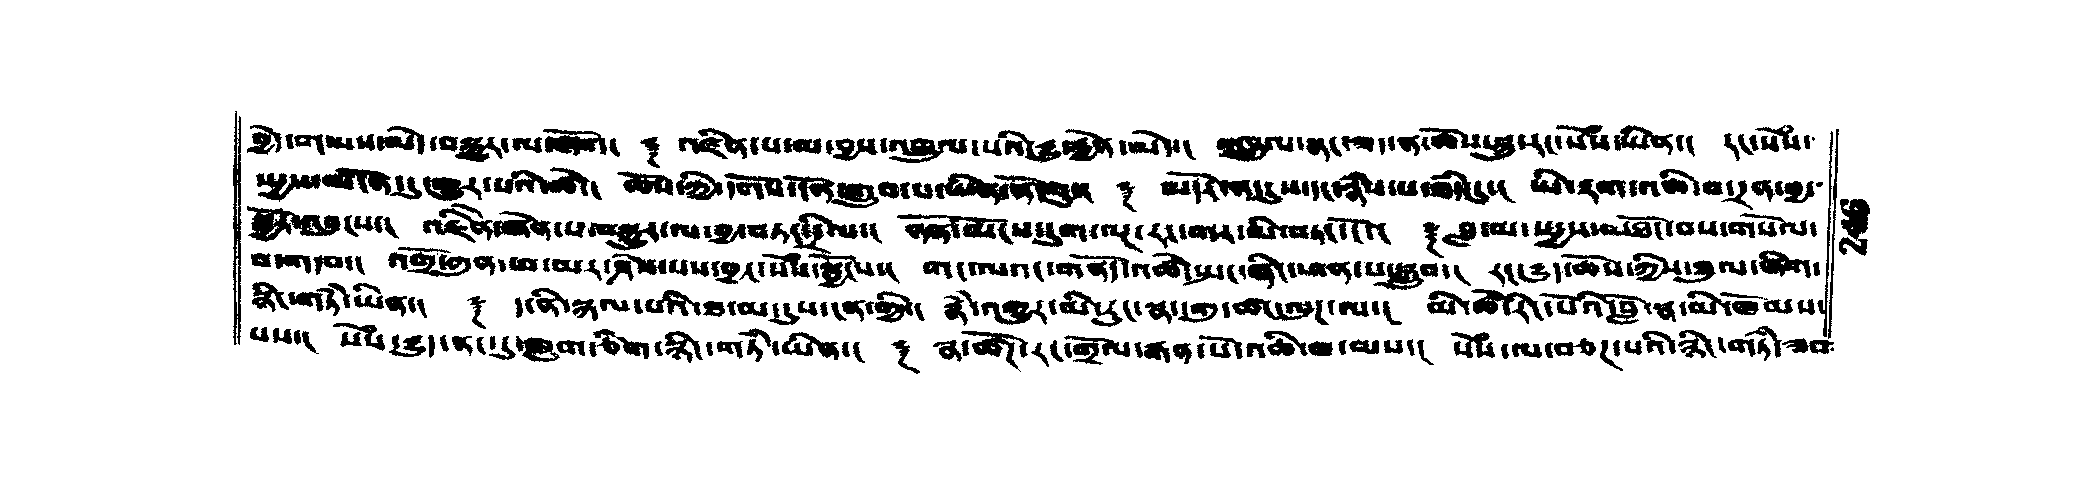བྱེད་གཡས་མེད་བསྐྱུར་ལ་ཞོག ༈ འཛིན་པ་མ་བྱས་འཁྲུལ་པའི་རྒྱུ་རྐྱེན་མེད། །འཁྲུལ་སྣང་ཟད་ན་ཆོས་སྐུ་རང་སེམས་ཡིན། །རང་སེམས་
སངས་རྒྱས་མངོན་དུ་གྱུར་པའི་ཚེ། །ཆོས་ཀྱི་དགོས་དོན་གྲུབ་པ་ཡིན་ནོ་བུ། ༈ མདོར་ན་དུས་དང་རྣམ་པ་ཐམས་ཅད་དུ། །མི་རྟག་འཆི་བ་དྲན་བྱ་
དགེ་སྦྱོར་འབུངས། །འཇིག་རྟེན་ཞེན་པ་བསྐྱུར་ལ་བྱ་བཏང་དྲིལ། །ཉོན་མོངས་དུག་ལྔ་རང་གར་མི་བཏང་ངོ་། ༈ བླ་མ་སངས་རྒྱས་མཐོང་བས་གསོལ་
བ་གདབ། །འགྲོ་ཀུན་ཕ་མར་ཤེས་པས་བྱང་སེམས་སྦྱོངས། །གང་ལའང་གནོད་འཚེ་སྤང་ཞིང་ཕན་པ་སྒྲུབས། །རང་རྒྱུད་ཆོས་ཀྱིས་ཐུལ་ཞིག་
སྙིང་གཏམ་ཡིན། ༈ ད་ནི་བསྐལ་པའི་ཐ་མ་དུས་ངན་གྱི། །རྣམ་འགྱུར་མི་རུང་སྣ་དགུ་ཚང་ལུགས་ལ། །མི་ཚེ་རིང་པོའི་བློ་སྣ་མི་ཁོམས་
པས། །སེམས་རྒྱུད་ནང་དུ་ཁུག་ཅིག་སྙིང་གཏམ་ཡིན། ༈ སྣ་ཚོགས་རང་གྲོལ་རྒན་པོ་འཆི་ཁ་ལས། །སེམས་ལ་བཅགས་པའི་སྙིང་གཏམ་ཟབ་